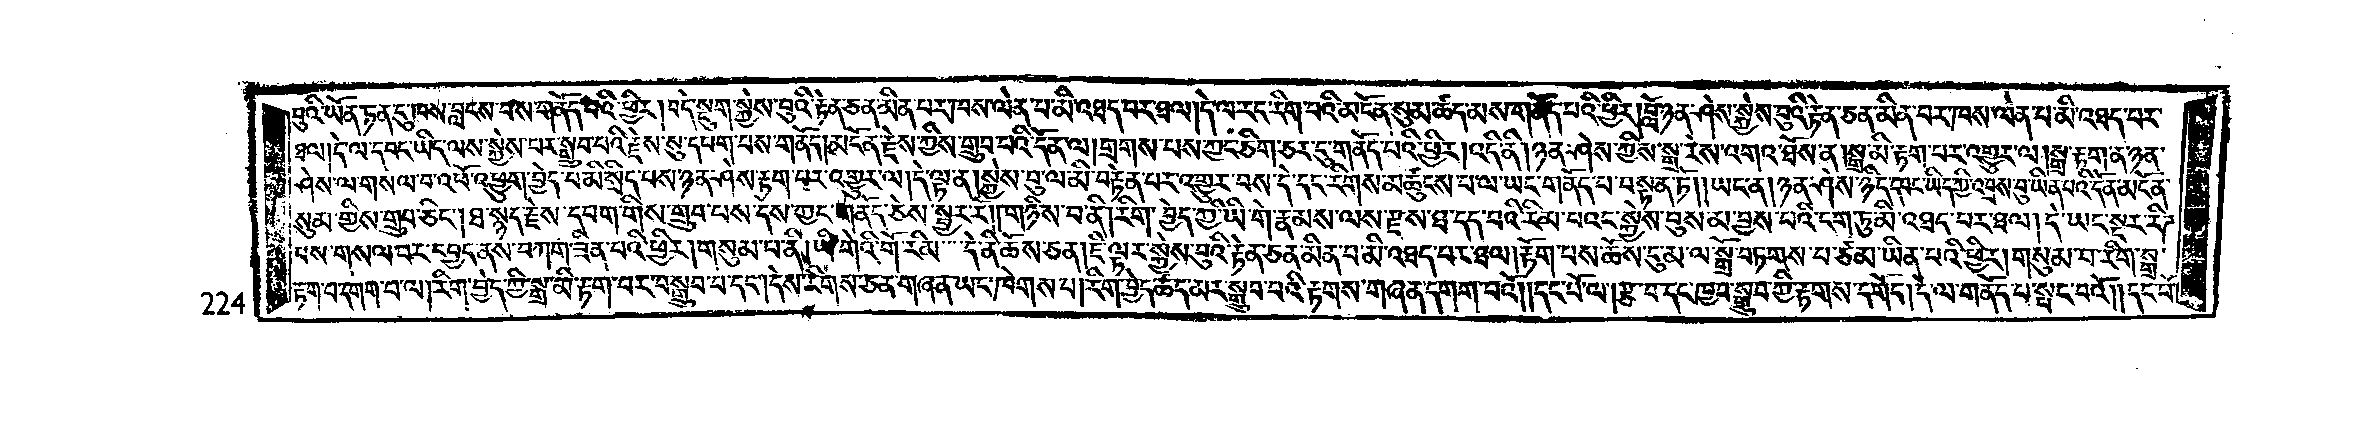བུའི་ཡོན་ཏན་དུ་ཁས་བླངས་པས་གནོད་པའི་ཕྱིར། བདེ་སྡུག་སྐྱེས་བུའི་རྟེན་ཅན་མིན་པར་ཁས་ལེན་པ་མི་འཐད་པར་ཐལ། དེ་ལ་རང་རིག་པའི་མངོན་སུམ་ཚད་མས་གནོད་པའི་ཕྱིར། བློ་ཉན་ཤེས་སྐྱེས་བུའི་རྟེན་ཅན་མིན་པར་ཁས་ལེན་པ་མི་འཐད་པར་
ཐལ། དེ་ལ་དབང་ཡིད་ལས་སྐྱེས་པར་སྒྲུབ་པའི་རྗེས་སུ་དཔག་པས་གནོད། མངོན་རྗེས་ཀྱིས་གྲུབ་པའི་དོན་ལ། གྲགས་པས་ཀྱང་ཅིག་ཅར་དུ་གནོད་པའི་ཕྱིར། འདི་ནི། ཉན་ཤེས་ཀྱིས་སྒྲ་རེས་འགའ་ཐོས་ན། སྒྲ་མི་རྟག་པར་འགྱུར་ལ། སྒྲ་རྟག་ན་ཉན་
ཤེས་ལ་གསལ་བ་འཕོ་འཕྱུག་བྱེད་པ་མི་སྲིད་པས་ཉན་ཤེས་རྟག་པར་འགྱུར་ལ། དེ་ལྟ་ན། སྐྱེས་བུ་ལ་མི་བརྟེན་པར་འགྱུར་བས་དེ་དང་རིགས་མཚུངས་པ་ལ་ཡང་གནོད་པ་བསྟན་ཏོ། །ཡང་ན། ཉན་ཤེས་ཉིད་དབང་ཡིད་ཀྱི་འབྲས་བུ་ཡིན་པའི་དོན་མངོན་
སུམ་གྱིས་གྲུབ་ཅིང་། ཐ་སྙད་རྗེས་དཔག་གིས་གྲུབ་པས་དེས་ཀྱང་གནོད་ཅེས་སྦྱར་རོ། །གཉིས་པ་ནི། རིག་བྱེད་ཀྱི་ཡི་གེ་རྣམས་ལས་རྫས་ཐ་དད་པའི་རིམ་པའང་སྐྱེས་བུས་མ་བྱས་པའི་ངག་ཏུ་མི་འཐད་པར་ཐལ། དེ་ཡང་སྔར་རིཌ་
པས་གསལ་བར་དཔྱད་ནས་བཀག་ཟིན་པའི་ཕྱིར། གསུམ་པ་ནི། ཡི་གེའི་གོ་རིམ་དེ་ནི་ཆོས་ཅན། ཇི་ལྟར་སྐྱེས་བུའི་རྟེན་ཅན་མིན་པ་མི་འཐད་པར་ཐལ། རྟོག་པས་ཆོས་དུ་མ་ལ་སྒྲོ་བཏགས་པ་ཙམ་ཡིན་པའི་ཕྱིར། གསུམ་པ་རིག་སྒྲ་
རྟག་པ་དགག་པ་ལ། རིག་བྱེད་ཀྱི་སྒྲ་མི་རྟག་པར་བསྒྲུབ་པ་དང་། དེས་རིགས་ཅན་གཞན་ཡང་ཁེགས་པ། རིག་བྱེད་ཚད་མར་སྒྲུབ་པའི་རྟགས་གཞན་དགག་པའོ། །དང་པོ་ལ། རྩ་བ་དང་ཁྱབ་སྒྲུབ་ཀྱི་རྟགས་དགོད། དེ་ལ་གནོད་པ་སྤང་པའོ། །དང་པོ་